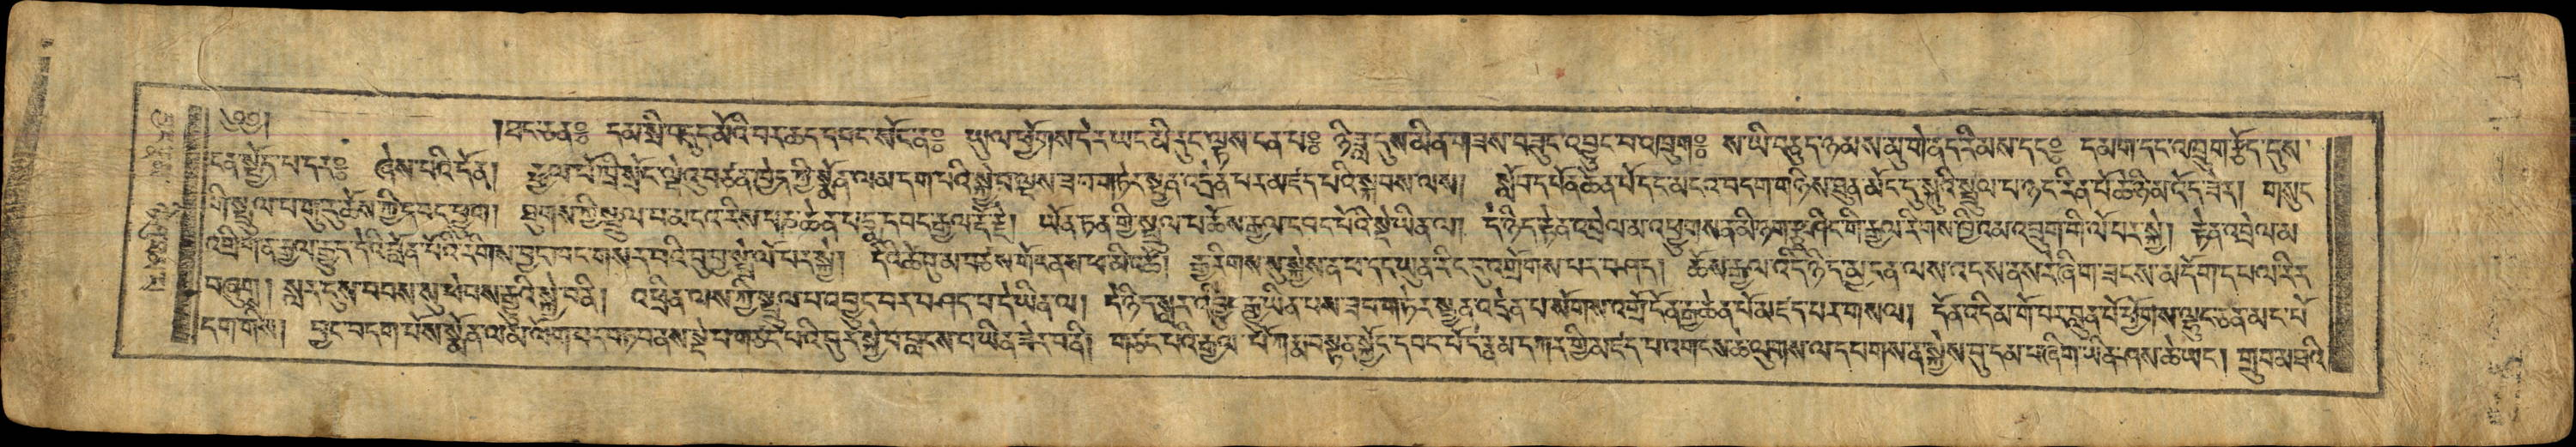༄༅། །ཐང་ཅནཿ་དམ་སྲི་བདུད་མོའི་བར་ཆད་དབང་སོང་ནཿ་ཡུལ་ཕྱོགས་དེར་ཡང་མི་རུང་ལྟས་ངན་པཿ་ཉི་ཟླ་དུས་མིན་གཟས་བཟུང་འབྱུང་བ་འཁྲུགཿ་ས་ཡི་བཅུད་ཉམས་མུ་གེ་ནད་རིམས་དངཿ་དམག་དང་འཁྲུག་རྩོད་དུས་
ངན་སྤྱོད་པ་ངརཿ་ཞེས་པའི་དོན། རྒྱལ་པོ་ཁྲི་སྲོང་ལྡེའི་བཙན་ཁྱེད་ཀྱི་སྨོན་ལམ་དག་པའི་སྐྱེ་བ་ལྔས་ཟབ་གཏེར་སྦྱན་འདྲེན་པར་མཛད་པའི་སྐབས་ལས། སློབ་དཔོན་ཆེན་པོ་དང་མངའ་བདག་གཉིས་ཐུན་མོང་དུ་སྒུའི་སྤྲུལ་པ་ཉང་རིན་པོ་ཆེ་ཉི་མ་འོད་ཟེར། གསུང་
གི་སྤྲུལ་པ་གུ་རུ་ཆོས་ཀྱི་དབང་ཕྱུག། ཐུགས་ཀྱི་སྤྲུལ་པ་མངའ་རིས་པཎ་ཆེན་པདམ་དབང་རྒྱལ་རྡོ་རྗེ། ཡོན་ཏན་གྱི་སྤྲུལ་པ་ཆོས་རྒྱལ་དབང་པོའི་སྡེ་ཡིན་ལ། དེ་ཉིད་རྟེན་འབྲེལ་མ་འཕྱུགས་ན་མི་ཉག་རྩ་ཤིང་གི་རྒྱལ་རིགས་ཁྱི་འམ་འབྲུག་གི་ལོ་པར་སྐྱེ། རྟེན་འབྲེལ་མ་
འགྲིག་ན་རྒྱལ་རྒྱུད་དེའི་བློན་པོའི་རིགས་བྱང་ཁང་གསར་པའི་པུ་བྱ་སྤྲེ་ལོ་པར་སྐྱེ། དེའི་ཚེ་བུ་མ་བཙས་གོང་ནས་ཕ་མི་འཚོ། རྒྱལ་རིགས་སུ་སྐྱེས་ན་ཕ་དང་ཡུན་རིང་དུ་འགྲོགས་པར་བཤད། ཆོས་རྒྱལ་འདི་ཉིད་མྱ་ངན་ལས་འདས་ནས་རེ་ཞིག་ཟངས་མདོག་དཔལ་རིར་
བཞུགས། སླར་དུས་བབས་སུ་ཕེབས་རྒྱུའི་སྐྱེ་བ་ནི། འཕྲིན་ལས་ཀྱི་སྤྲུལ་པ་འབྱུང་བར་བཤད་པ་དེ་ཡིན་ལ། དེ་ཉིད་སླར་འབྱུང་རྒྱུ་ཡིན་པས་ཟབ་གཏེར་སྤྱན་འདྲེན་པ་སོགས་འགྲོ་དོན་རྒྱ་ཆེན་པོ་མཛད་པར་གསལ། དོན་འདི་མ་གོ་པར་བླུན་པོ་ཕྱོགས་ལྷུང་ཅན་མང་པོ་
དག་གིས། བྱང་བདག་པོས་སྨོན་ལམ་ལོག་པར་བཏབ་ནས་སྡེ་པ་གཙང་པའི་བུར་སྐྱེ་བ་བླངས་པ་ཡིན་ཟེར་བ་ནི། གཙང་པའི་རྒྱལ་པོ་ཀརྨ་བསྟན་སྐྱོང་དབང་པོ་དེ་རྣམ་དཀར་གྱི་མཛད་པ་འགངས་ཆེ་ལུགས་ལ་དཔགས་ན་སྐྱེས་བུ་དམ་པ་ཞིག་ཡིན་ཤས་ཆེ་ཡང་། གྲུབ་མཐའི་